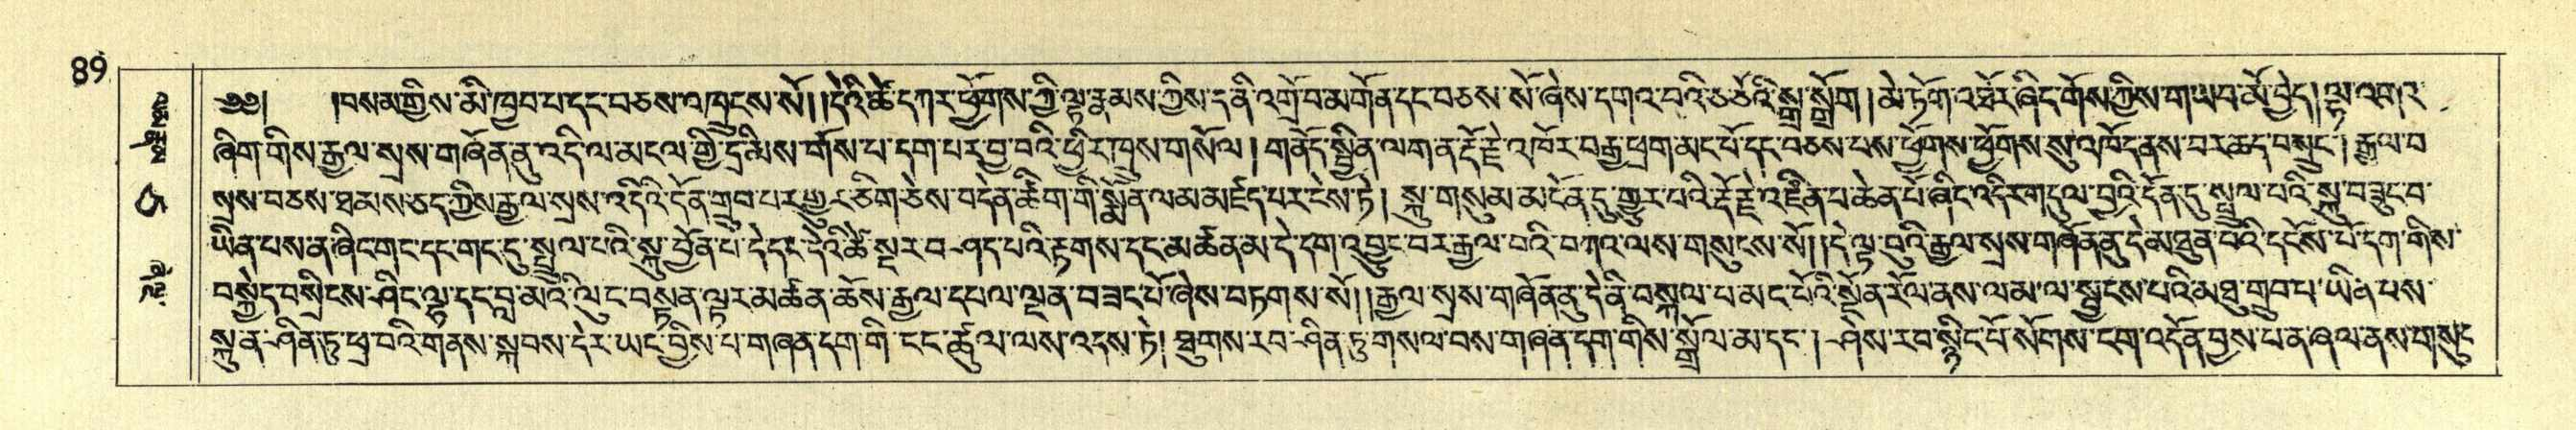༄༅། །བསམ་གྱིས་མི་ཁྱབ་པ་དང་བཅས་འཁྲུངས་སོ། །དེའི་ཚེ་དཀར་ཕྱོགས་ཀྱི་ལྷ་རྣམས་ཀྱིས་ད་ནི་འགྲོ་བ་མགོན་དང་བཅས་སོ་ཞེས་དགའ་བའི་ཅ་ཅོའི་སྒྲ་སྒྲོག། མེ་ཏོག་འཐོར་ཞིང་གོས་ཀྱིས་གཡབ་མོ་བྱེད། ལྷ་འགའ་
ཞིག་གིས་རྒྱལ་སྲས་གཞོན་ནུ་འདི་ལ་མངལ་གྱི་དྲི་མས་གོས་པ་དག་པར་བྱ་བའི་ཕྱིར་ཁྲུས་གསོལ། གནོད་སྦྱིན་ལག་ན་རྡོ་རྗེ་འཁོར་བརྒྱ་ཕྲག་མང་པོ་དང་བཅས་པས་ཕྱོགས་ཕྱོགས་སུ་འཁོད་ནས་བར་ཆད་བསྲུང་། རྒྱལ་བ་
སྲས་བཅས་ཐམས་ཅད་ཀྱིས་རྒྱལ་སྲས་འདིའི་དོན་གྲུབ་པར་གྱུར་ཅིག་ཅེས་བདེན་ཚིག་གི་སྨོན་ལམ་མཛད་པར་ངེས་ཏེ། སྐུ་གསུམ་མངོན་དུ་གྱུར་པའི་རྡོ་རྗེ་འཛིན་པ་ཆེན་པོ་ཞིང་འདིར་གདུལ་བྱའི་དོན་དུ་སྤྲུལ་པའི་སྐུ་བཟུང་བ་
ཡིན་པས་ན་ཞིང་གང་དང་གང་དུ་སྤྲུལ་པའི་སྐུ་བྱོན་པ་དེ་དང་དེའི་ཚེ་སྔར་བཤད་པའི་རྟགས་དང་མཚན་མ་དེ་དག་འབྱུང་བར་རྒྱལ་བའི་བཀའ་ལས་གསུངས་སོ། །དེ་ལྟ་བུའི་རྒྱལ་སྲས་གཞོན་ནུ་དེ་མཐུན་པའི་དངོས་པོ་དག་གིས་
བསྐྱེད་བསྲིངས་ཤིང་ལྷ་དང་བླ་མའི་ལུང་བསྟན་ལྟར་མཚན་ཆོས་རྒྱལ་དཔལ་ལྡན་བཟང་པོ་ཞེས་བཏགས་སོ། །རྒྱལ་སྲས་གཞོན་ནུ་དེ་ནི་བསྐལ་པ་མང་པོའི་སྔོན་རོལ་ནས་ལམ་ལ་སྦྱངས་པའི་མཐུ་གྲུབ་པ་ཡིན་པས་
སྐུ་ན་ཤིན་ཏུ་ཕྲ་བའི་གནས་སྐབས་དེར་ཡང་བྱིས་པ་གཞན་དག་གི་ངང་ཚུལ་ལས་འདས་ཏེ། ཐུགས་རབ་ཤིན་ཏུ་གསལ་བས་གཞན་དག་གིས་སྒྲོལ་མ་དང་། ཤེས་རབ་སྙིང་པོ་སོགས་ངག་འདོན་བྱས་པ་ན་ཞལ་ནས་གསུང་